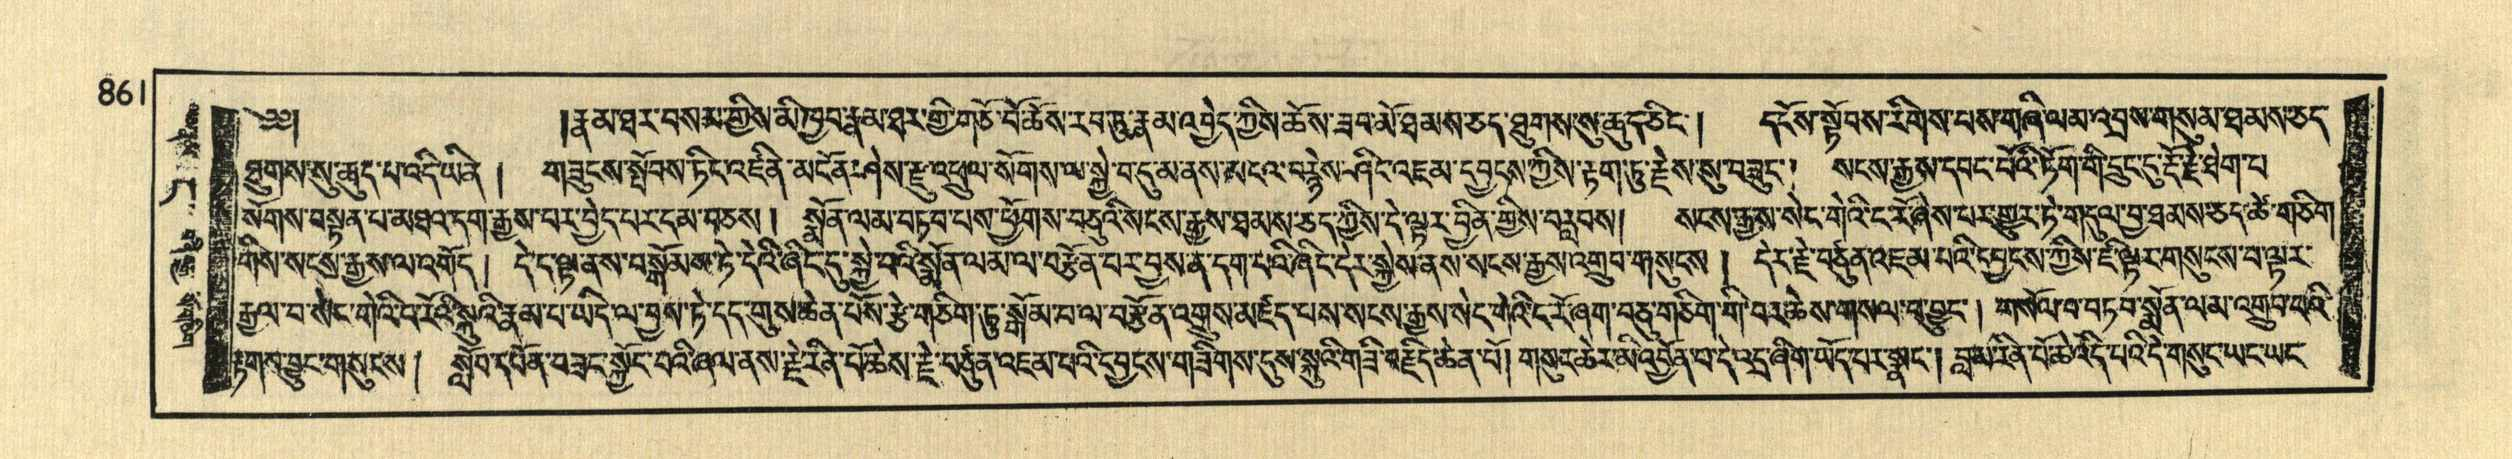༄༅། །རྣམ་ཐར་བསམ་གྱིས་མི་ཁྱབ་རྣམ་ཐར་གྱི་གཙོ་བོ་ཆོས་རབ་ཏུ་རྣམ་འབྱེད་ཀྱིས་ཆོས་ཟབ་མོ་ཐམས་ཅད་ཐུགས་སུ་ཆུད་ཅིང་། དངོས་སྟོབས་རིགས་པས་གཞི་ལམ་འབྲས་གསུམ་ཐམས་ཅད་
ཐུགས་སུ་ཆུད་པ་འདི་ཡིན། གཟུངས་སྤོབས་ཏིང་འཛིན་མངོན་ཤེས་རྫུ་འཕྲུལ་སོགས་ལ་སྐྱེ་བ་དུ་མ་ནས་མངའ་བརྙེས་ཤིང་འཇམ་དབྱངས་ཀྱིས་རྟག་ཏུ་རྗེ་སུ་བཟུང་། སངས་རྒྱས་དབང་པོའི་ཏོག་གི་དྲུང་དུ་རྡོ་རྗེ་ཐེག་པ་
སོགས་བསྟན་པ་མཐའ་དག་རྒྱས་པར་བྱེད་པར་དམ་བཅས། སྨོན་ལམ་བཏབ་པས་ཕྱོགས་བཅུའི་སངས་རྒྱས་ཐམས་ཅད་ཀྱིས་དེ་ལྟར་བྱིན་གྱིས་བརླབས། སངས་རྒྱས་སེང་གེའི་ང་རོ་ཞེས་པར་གྱུར་ཏེ་གདུལ་བྱ་ཐམས་ཅད་ཚེ་གཅིག་
གིས་སངས་རྒྱས་ལ་འགོད། དེ་ད་ལྟ་ནས་བསྒོམས་ཏེ་དེའི་ཞིང་དུ་སྐྱེ་བའི་སྨོན་ལམ་ལ་བརྩོན་པར་བྱས་ན་དག་པའི་ཞིང་དེར་སྐྱེས་ནས་སངས་རྒྱས་འགྲུབ་གསུངས། དེར་རྗེ་བཙུན་འཇམ་པའི་དབྱངས་ཀྱིས་ཇི་ལྟར་གསུངས་བ་ལྟར་
རྒྱལ་བ་སེང་གེའི་ང་རོའི་སྐུའི་རྣམ་པ་ཡིད་ལ་བྱས་ཏེ་དད་གུས་ཆེན་པོས་རྩེ་གཅིག་ཏུ་སྒོམ་པ་ལ་བརྩོན་འགྲུས་མཛད་པས་སངས་རྒྱས་སེང་གེའི་ང་རོ་ཞག་བཅུ་གཅིག་གི་བར་ཆེས་གསལ་བ་བྱུང་། གསོལ་བ་བཏབ་སྨོན་ལམ་འགྲུབ་པའི་
རྟགས་བྱུང་གསུངས། སློབ་དཔོན་བཟང་སྐྱོང་བའི་ཞལ་ནས་རྗེ་རིན་པོ་ཆེས་རྗེ་བཙུན་འཇམ་པའི་དབྱངས་གཟིགས་དུས་སྐུའི་གཟི་བརྗིད་ཆེན་པོ། གསུར་ཆེར་མི་འབྱོན་བ་དེ་འདྲ་ཞིག་ཡོད་པར་སྣང་། བླ་མ་རིན་པོ་ཆེ་འདི་པའི་དེ་གསུང་ཡང་ཡང་